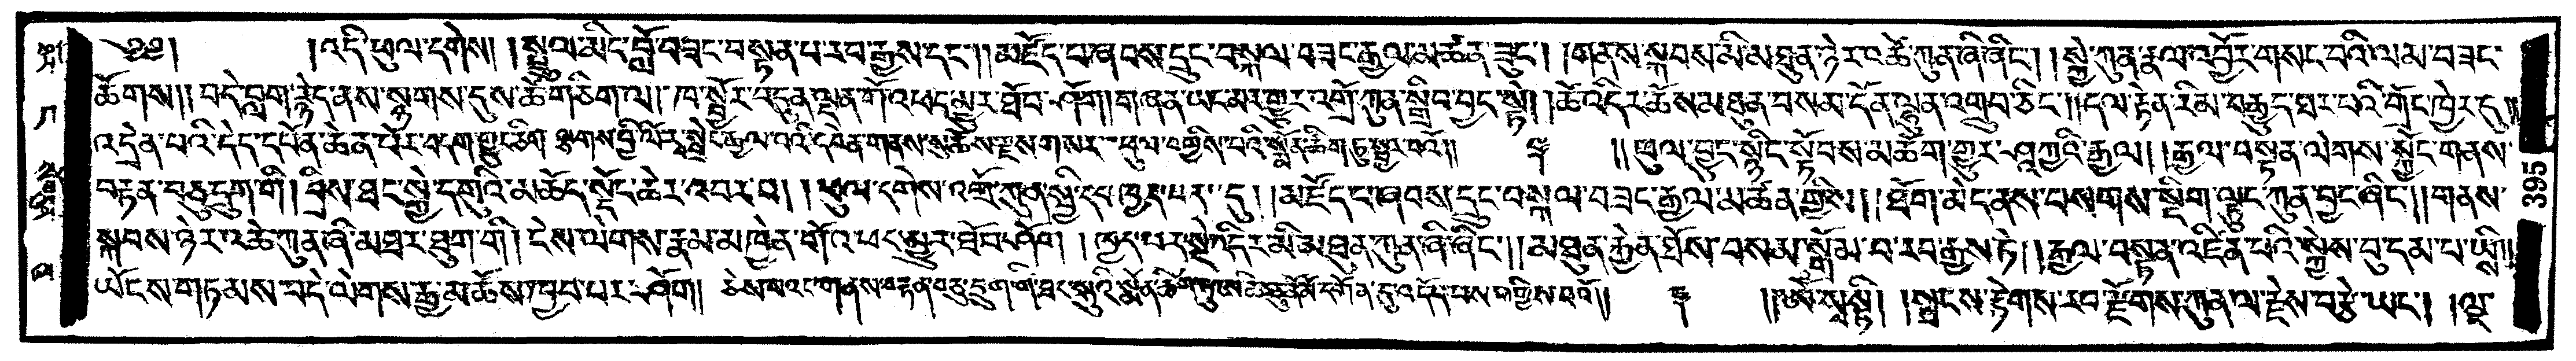༄༅། །འདི་ཕུལ་དགེས། །སྤྲུལ་མིང་བློ་བཟང་བསྟན་པ་རབ་རྒྱས་དང་། །མཛོད་པ་ཞབས་དྲུང་བསྐལ་བཟང་རྒྱལ་མཚན་ཟུང་། །གནས་སྐབས་མི་མཐུན་ཉེར་འཚེ་ཀུན་ཞི་ཞིང་། །སྐྱེ་ཀུན་རྣལ་འབྱོར་གསང་བའི་ལམ་བཟང་
ཆོགས། །བདེ་བླག་རྙེད་ནས་སྙིགས་དུས་ཚེ་གཅིག་ལ། ཁ་སྦྱོར་བདུན་ལྡན་གོ་འཕང་མྱུར་ཐོབ་ཤོག །གཞན་ཡང་མར་གྱུར་འགྲོ་ཀུན་སྒྲིབ་བྱང་སྟེ། །ཚེ་འདིར་ཆོས་མཐུན་བསམ་དོན་ལྷུན་འགྲུབ་ཅིང་། །དལ་རྟེན་རིམ་བརྒྱུད་ཐར་པའི་གྲོང་ཁྱེར་དུ།།
འདྲེན་པའི་དེད་དཔོན་ཆེན་པོར་བདག་གྱུར་ཅིག་ལྕགས་བྱི་ལོ་རྭ་སྒྲེང་རྒྱལ་བའི་དབེན་གནས་སུ་ཆོས་རྫས་གསར་ཕུལ་བགྱིས་པའི་སྨོན་ཚིག་ཏུ་སྦྱར་བའོ།། ༈ །།ཕུལ་བྱུང་སྙིང་སྟོབས་མཆོག་གྱུར་ཤཱཀྱའི་རྒྱལ། །རྒྱལ་བསྟན་ལེགས་སྐྱོང་གནས་
བརྟན་བཅུ་དྲུག་གི །བྲིས་ཐང་སྐྱེ་དགུའི་མཆོད་སྡོང་ཆེར་འབར་བ། །ཕུལ་དགེས་འགྲོ་ཀུན་སྤྱི་དང་ཁྱད་པར་དུ། །མཛོད་པ་ཞབས་དྲུང་བསྐལ་བཟང་རྒྱལ་མཚན་གྱིས། །ཐོག་མེད་ནས་བསགས་སྡིག་ལྟུང་ཀུན་བྱང་ཞིང་། །གནས་
སྐབས་ཉེར་འཚེ་ཀུན་ཞི་མཐར་ཐུག་གི །ངེས་ལེགས་རྣམ་མཁྱེན་གོ་འཕང་མྱུར་ཐོབ་ཤོག །ཁྱད་པར་སྡེ་འདིར་མི་མཐུན་ཀུན་ཞི་ཞིང་། །མཐུན་རྐྱེན་ཐོས་བསམ་སྒོམ་པ་རབ་རྒྱས་ཏེ། །རྒྱལ་བསྟན་འཛིན་པའི་སྐྱེས་བུ་དམ་པ་ཡིས།།
ཡོངས་གཏམས་བདེ་ལེགས་རྒྱ་མཚོས་ཁྱབ་པར་ཤོག །ཅེས་པའང་གནས་བརྟན་བཅུ་དྲུག་གི་ཐང་སྐུའི་སྨོན་ཚིག་ཏུ་ཨ་ཆི་ཐུ་ནོ་མོ་དགོན་དུ་འདོད་བས་བགྱིས་བའོ།། ༈ །།ཨོཾ་སྭསྟི། །སྤངས་རྟོགས་རབ་རྫོགས་ཀུན་ལ་རྗེས་བརྩེ་ཡང་། །ལྔ་